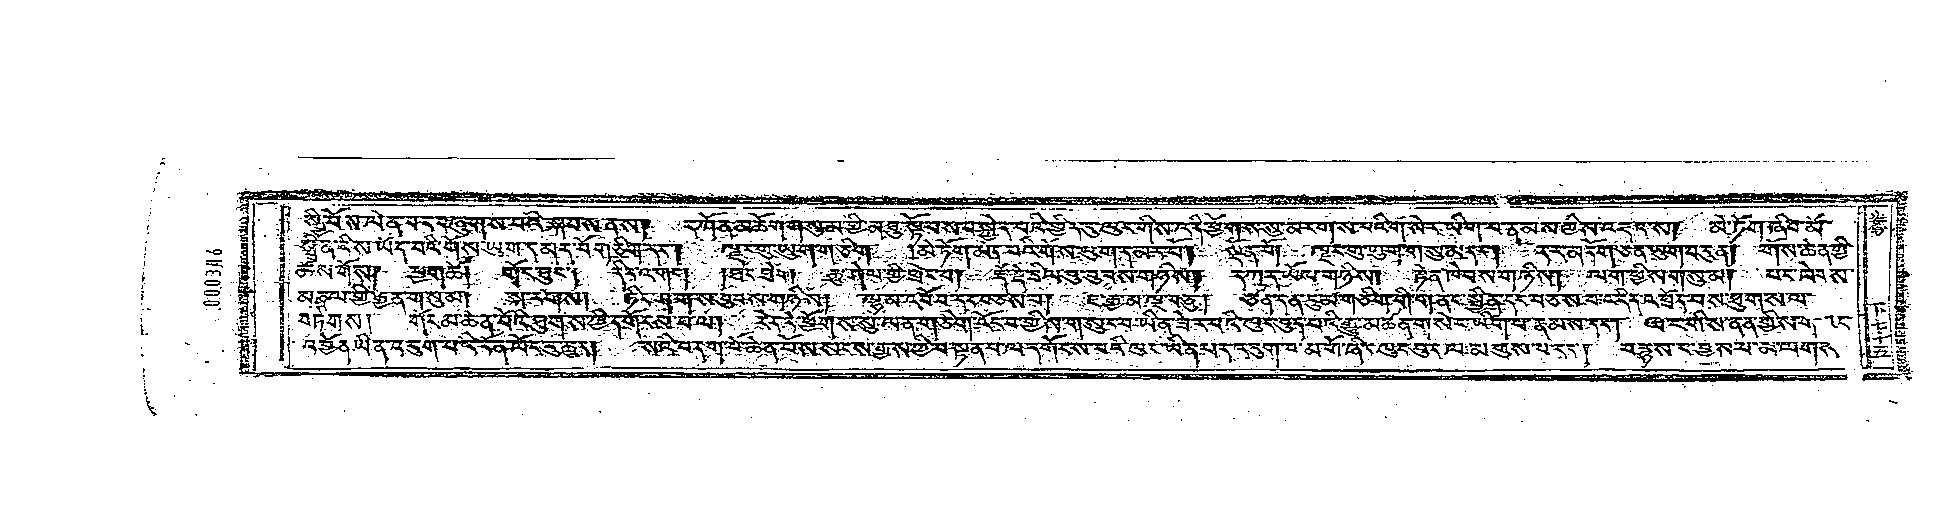སྤྱི་བོས་ལེན་པར་བཞུགས་པའི་སྐབས་ནས། དཀོན་མཆོག་གསུམ་གྱི་མཐུ་སྟོབས་བསྐྱེད་བའི་ཕྱིར་དུ་ལུང་གིས་འདི་ཕྱོགས་སུ་མངགས་པའི་གསེར་ཡིག་བ་རྣམས་ཀྱིས་འཇའ་ས། མེ་ཏོག་ཞིབ་མོ་
སྤྲིན་རིས་ཡོད་བའི་གོས་ཡུག་དམར་པོ་གཅིག་དང་། ལྗང་གུ་ཡུག་གཅིག །མེ་ཏོག་མེད་པའི་གོས་ཡུག་དམར་པོ། སྔོན་པོ། ལྗང་གུ་ཡུག་གསུམ་དང་། དར་མདོག་ཅན་ཡུག་བདུན། གོས་ཆེན་གྱི་
ཆོས་གོས། ཕྱག་ཚེ། གོང་ཐུང་། དིར་འགང་། །ཐང་ཐེབ། ཆུ་ཤེལ་གྱི་ཕྲེང་བ། རྡོ་རྗེ་དྲིལ་བུ་བུབས་གཉིས། དཀར་ཡོལ་གཉིས། རྟེན་ཁེབས་གཉིས། ལག་ཕྱིས་གསུམ། པང་ཁེབས་
མཎྚལ་གྱི་རྒྱན་གསུམ། སྐ་རགས། ཏིང་ཤགས་བུབས་གཉིས། ལྷམ་འབོབ་དང་བཅས་པ། ཇ་རྒྱ་མ་ལྔ་བཅུ། ཙན་དན་དུམ་གཅིག་གི་གནང་སྦྱིན་དང་བཅས་པ་འདིར་འཕྲོད་བས་ཐུགས་ལ་
བཏགས། གོང་མ་ཆེན་པོའི་ཐུགས་ཀྱི་དགོངས་པ་ལ། དེང་དེ་ཕྱོགས་སུ་ལན་གཅིག་འོང་བ་གྱིས་གསུང་བ་ཡིན་ཟེར་བའི་ལུང་བུད་པའི་རྒྱུ་མཚན་གསེར་ཡིག་པ་རྣམས་དང་། ཝང་གིས་ནན་གྱིས་གསུང་
འབྱོན་ཡིན་འདུག་པའི་དོན་ཁོང་དུ་ཆུང་། སའི་བདག་པོ་ཆེན་པོས་སངས་རྒྱས་ཀྱི་བསྟན་པ་ལ་དགོངས་པའི་ལུང་ཡིན་པར་འདུག་པ་མགོ་ཞིང་ལུང་བུད་ལམ་གུས་པ་དང་། བརྙས་པ་བྱས་པ་མ་ལགས་